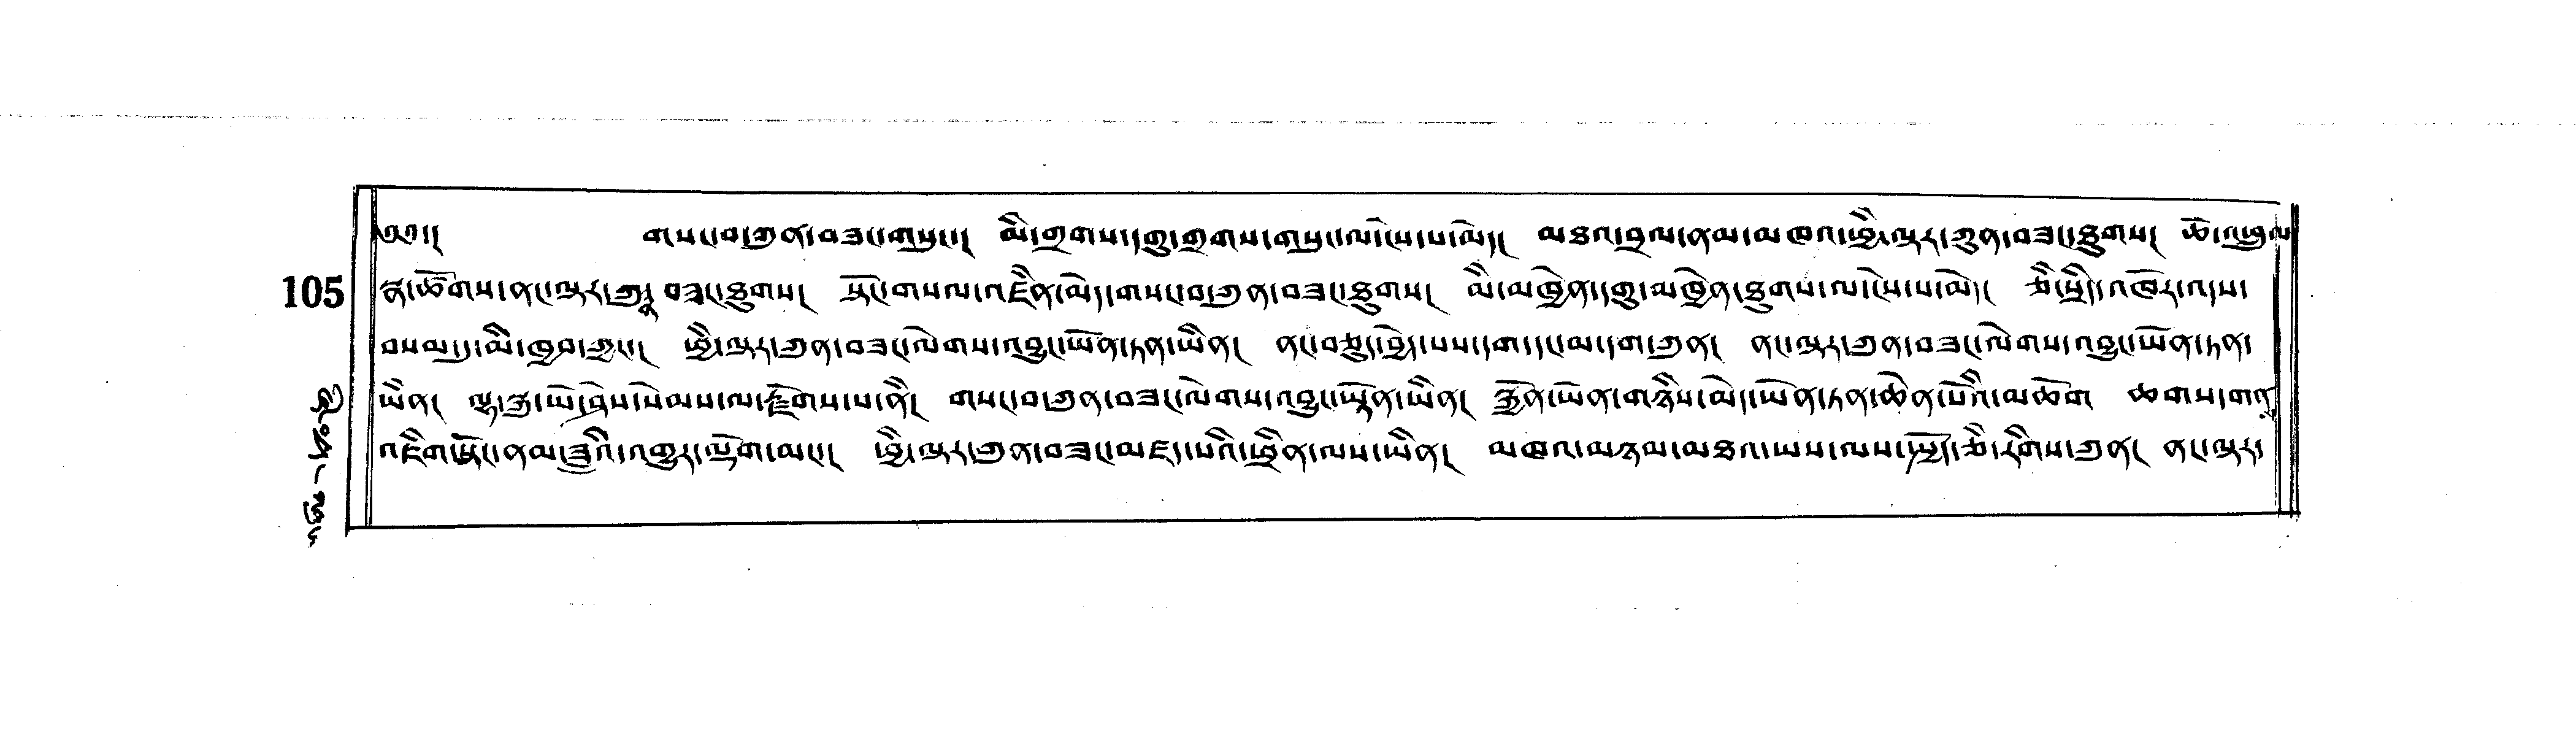གསང་བ་ཀུན་བཟང་གསུང་། མི་གྲགས་དགུ་གྲགས་གསུང་ལ་ངེས་པ་མེད། མཐའ་བྲལ་ནམ་མཁའ་ནམ་མཁའ་ཕྱི་ལྟར་ཀུན་བཟང་ཐུགས། ཆོ་འཕྲུལ་
སྣ་ཚོགས་ནང་ལྟར་ཀུན་བཟང་ཐུགས། སྟོང་གསལ་འཛིན་མེད་གསང་བ་ཀུན་བཟང་ཐུགས། མི་མཁྱེན་དགུ་མཁྱེན་ཐུགས་ལ་ངེས་པ་མེད། ཅི་སྲིད་འཁོར་འདས་
བསམ་དུ་མི་ཁྱབ་ཀྱང་། ཕྱི་ལྟར་ཀུན་བཟང་ལེགས་འབྱུང་ཡོན་ཏན་ཡིན། ནང་བཅུད་བྱེད་པས་དག་དང་མ་དག་ཀུན། ནང་ལྟར་ཀུན་བཟང་ལེགས་འབྱུང་ཡོན་ཏན་
ཡིན། ལྷ་སྐུ་ཡེ་ཤེས་སེམས་ལ་རྫོགས་པ་ནི། གསང་བ་ཀུན་བཟཌ་ལེགས་འབྱུང་ཡོན་ཏན་ཡིན། སྐྱོན་ཡོན་གཉིས་མེད་ཡོན་ཏན་ཆེན་པོའི་མཆོག ཆགས་གནས་
འཇིག་སྟོང་ནམ་ཟླའི་འགྱུར་ལྡོག་མང་། ཕྱི་ལྟར་ཀུན་བཟང་མཛད་པའི་ཕྲིན་ལས་ཡིན། མཁའ་མཉམ་མཐའ་ཡས་ལས་སྤྱོད་ཅི་རིགས་ཀུན། ནང་ལྟར་